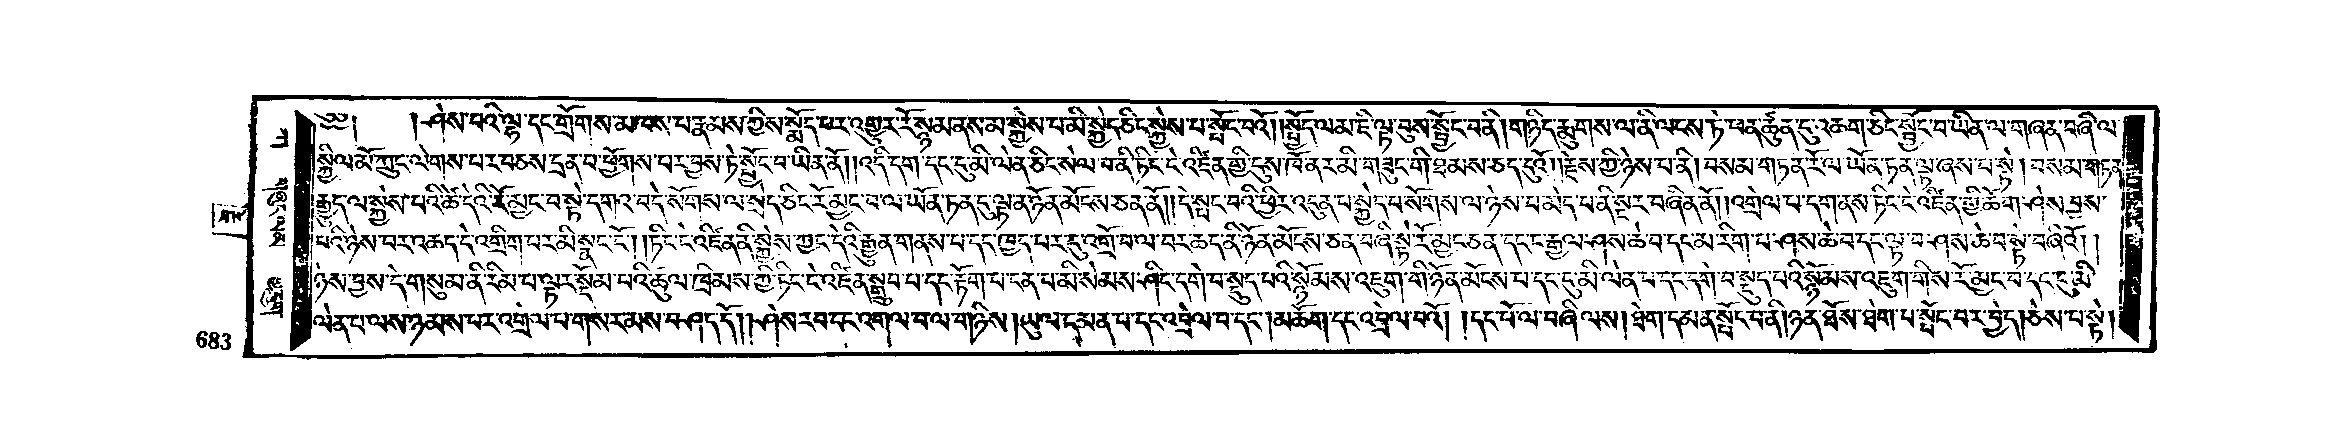༄༅། །ཤེས་པའི་ལྷ་དང་གྲོགས་མཁས་པ་རྣམས་ཀྱིས་སྨོད་པར་འགྱུར་རོ་སྙམ་ནས་མ་སྐྱེས་པ་མི་སྐྱེད་ཅིང་སྐྱེས་པ་སྤོང་བའོ། །སྤྱོད་ལམ་ཇི་ལྟ་བུས་སྦྱོང་བ་ནི། གཉིད་རྨུགས་ལ་ནི་ལངས་ཏེ་ཕན་ཚུན་དུ་འཆག་ཅིང་སྦྱོང་བ་ཡིན་ལ་གཞན་བཞི་ལ་
སྐྱིལ་མོ་ཀྲུང་ལེགས་པར་བཅས་དྲན་པ་ཕྱོགས་པར་བྱས་ཏེ་སྦྱོང་བ་ཡིན་ནོ། །འདི་དག་དང་དུ་མི་ལེན་ཅིང་སེལ་བ་ནི་ཏིང་ངེ་འཛིན་གྱི་དུས་ཁོ་ནར་མི་གཟུང་གི་ཐམས་ཅད་དུའོ། །རྗེས་ཀྱི་ཉེས་པ་ནི། བསམ་གཏན་རོ་ལ་ཡོན་ཏན་ལྟ་ཞས་པ་སྟེ། བསམ་གཏན་
རྒྱུད་ལ་སྐྱེས་པའི་ཚེ་དེའི་རོ་མྱང་བ་སྟེ་དགའ་བདེ་སོགས་ལ་སྲེད་ཅིང་རོ་མྱང་བ་ལ་ཡོན་ཏན་དུ་ལྟ་ན་ཉོན་མོངས་ཅན་ནོ། །དེ་སྤང་བའི་ཕྱིར་འདུན་པ་སྐྱེད་པ་སོགས་ལ་ཉེས་པ་མེད་པ་ནི་སྔར་བཞིན་ནོ། །འགྲེལ་པ་དག་ནས་ཏིང་ངེ་འཛིན་གྱི་ཆོག་ཤེས་བྱས་
པའི་ཉེས་པར་འཆད་དེ་འགྲིག་པར་མི་སྣང་ངོ། །ཏིང་ངེ་འཛིན་ནི་སྐྱེས་ཀྱང་དེའི་རྒྱུན་གནས་པ་དང་ཁྱད་པར་དུ་འགྲོ་བ་ལ་བར་ཆད་ནི་ཉོན་མོངས་ཅན་བཞི་སྟེ་རོ་མྱང་ཅན་དང་ང་རྒྱལ་ཤས་ཆེ་བ་དང་མ་རིག་པ་ཤས་ཆེ་བ་དང་ལྟ་བ་ཤས་ཆེ་བ་དང་ལྟ་བ་ཤས་ཆེ་བ་སྟེ་བཞིའོ། །
ཉེས་བྱས་དེ་གསུམ་ནི་རིམ་པ་ལྟར་སྡོམ་པའི་ཚུལ་ཁྲིམས་ཀྱི་ཏིང་ངེ་འཛིན་སྒྲུབ་པ་དང་རྟོག་པ་ངན་པ་མི་སེམས་ཤིང་དགེ་བ་སྡུད་པའི་སྙོམས་འཇུག་གི་ཉོན་མོངས་པ་དང་དུ་མི་ལེན་པ་དང་དགེ་བ་སྡུད་པའི་སྙོམས་འཇུག་གིས་རོ་མྱང་བ་དང་དུ་མི་
ལེན་པ་ལས་ཉམས་པར་འགྲེལ་པ་གསར་མས་བཤད་དོ། །ཤེས་རབ་དང་འགལ་བ་ལ་གཉིས། ཡུལ་དམན་པ་དང་འབྲེལ་བ་དང་། མཆོག་དང་འབྲེལ་བའོ། །དང་པོ་ལ་བཞི་ལས། ཐེག་དམན་སྤོང་བ་ནི། ཉན་ཐོས་ཐེག་པ་སྤོང་བར་བྱེད། ཅེས་པ་སྟེ།